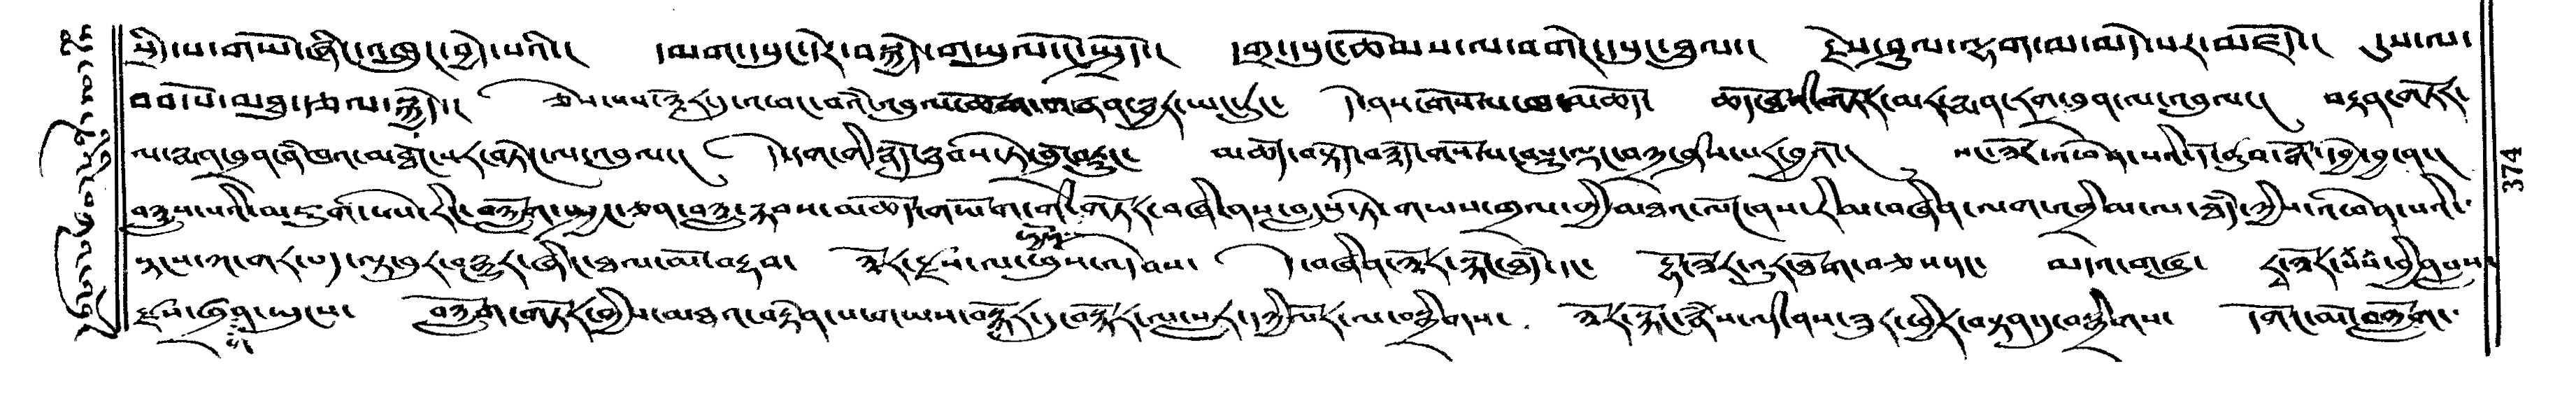།སྲིད་པ་གཡོ་ཞིང་འཁྲུགས་བྱེད་བའི། །དམག་དཔུང་དེར་སྐྱེད་གཡུལ་ངོ་སྤྲོད། །དགྲ་དཔུང་ཆོམས་ལ་བགེགས་དཔུང་ཐུལ། །རྗེས་ཤུལ་ལྷག་མ་མེད་པར་མཛོད། །དུས་ལ་
བབ་པོ་མཐུ་རྩལ་སྐྱེད། །ཅེས་པས་ཟོར་དུ་འཕང་བའམ་འབུལ་ཆོག་གཞན་སྦྱར་ཡང་རུང་། དེ་ནས་གསོལ་ཁ་མཆོད། ཆད་ཐོའི་གཏོར་མར་སྨན་རཀ་བྲན་ལ་འབུལ། བརྟན་གཏོར་
ལ་སྨན་བྲན་ནམ་མཁའ་མཐོང་སར་བཏེགས་ལ་འབུལ། དེ་དག་གི་སྣོད་སྦུབས་ཏེ་བྲོ་བརྡུང་། མཆོད་བསྟོད་བཟོད་གསོལ་བསྡུ་ལྡང་བཀྲ་ཤིས་པར་བྱའོ། སང་ཟོར་འཕེན་བའི་དོ་ནུབ་སྒོ་དབྱེ་བྱ་ན། 
བཟླས་པའི་མཇུག་ཨེ་རིང་བཟློག་སྤྱང་ཅན་བཟླ་སྐབས་མཆོད་གཡོག་གི་ཕྱོགས་གཏོར་བཞི་ནས་བླངས་ཏེ་གཡས་གྲལ་གྱི་མཐའ་ལོགས་ནས་རིམ་བཞིན་ལག་འགྲིམ་ལ་ཐམས་ཅད་ཀྱིས་འཕེན་པའི་
སྟངས་ཀ་གར་པད་ལྟ་བུར་བསྒྱུར་ཞིང་ཐལ་མོ་བརྡབ། ཟོར་རྫས་ལ་ཕུས་འདེབས། དེ་བཞིན་ཟོར་སྐོང་ཐམས་ཅད་དང་། རྡོ་ཟོར་འུར་རྡོག་བཅས་དང་། མདའ་གཞུ། རྭ་ཟོར་བྱིན་རླབས། 
རྫས་ཁྲག་ཡུངས། བཟློག་གཏོར་གྱིས་མཐའ་བརྟེན་པ་གཡས་སྐོར་དུ་བསྐོར་ལ་སླར་དཀྱིལ་འཁོར་ལ་བསྒྲིག ཟོར་སྐོང་རྣམས་འདི་ནས་བཟུང་ཕྱིར་བསྟན་དུ་བསྒྲིག དགོང་མོ་བཟློག་